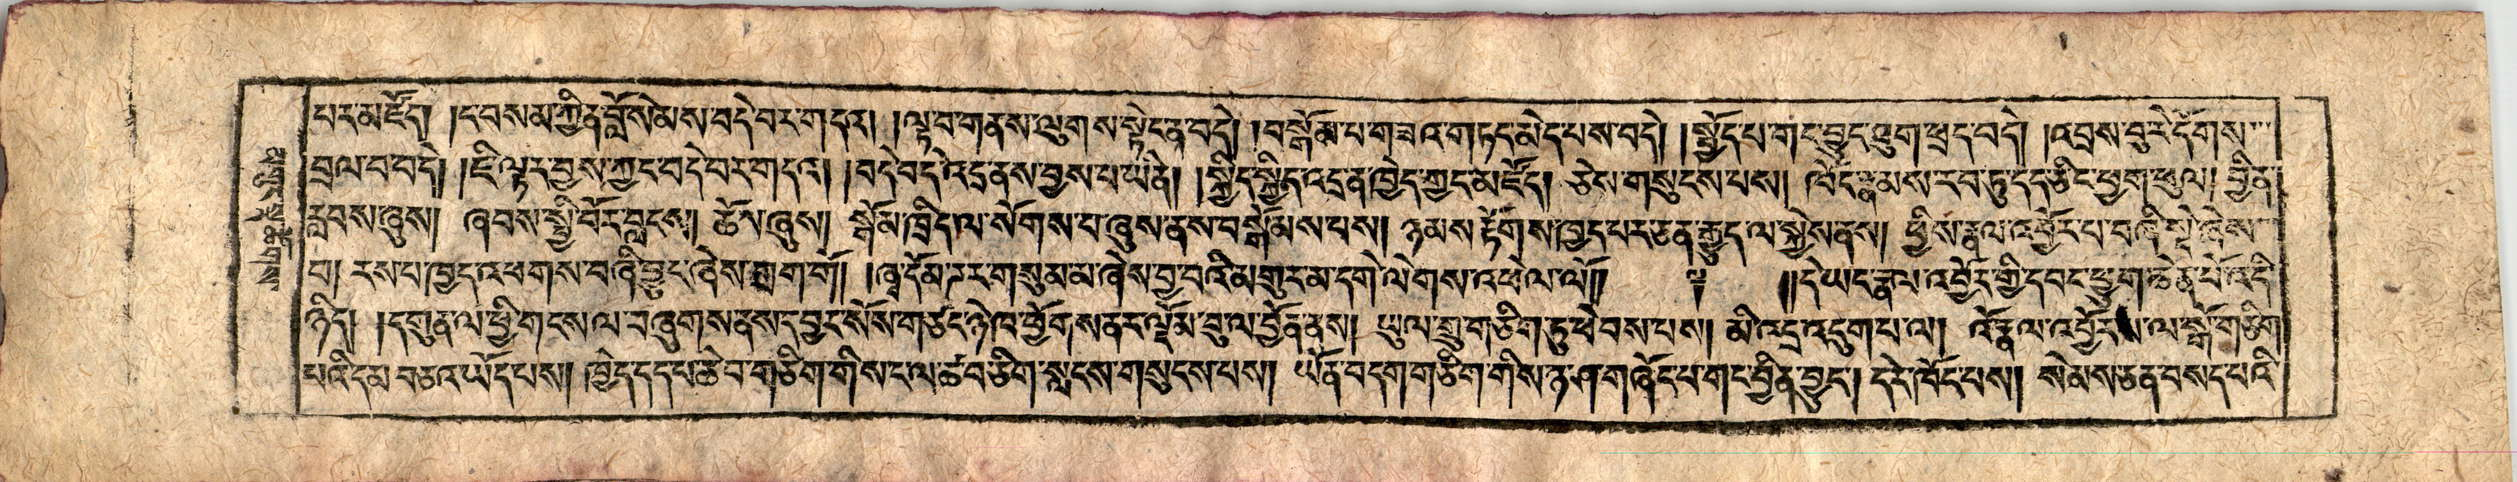པར་མཛོད། །ང་བསམ་ཀྱིན་བློས་སེམས་བདེ་བར་གདའ། །ལྟ་བ་གནས་ལུགས་སྟེང་ན་བདེ། །བསྒོམ་པ་གཟའ་གཏད་མེད་པས་བདེ། །སྤྱོད་པ་གང་བྱུང་ཐུག་ཕྲད་བདེ། །འབྲས་བུ་རེ་དོགས་
བྲལ་བ་བདེ། །ཇི་ལྟར་བྱས་ཀྱང་བདེ་བར་གདའ། །བདེ་བདེ་འདྲ་ནས་བྱས་པ་ཡིན། །སྐྱིད་སྐྱིད་འདྲ་ན་ཁྱེད་ཀྱང་མཛོད། ཅེས་གསུངས་པས། ཁོང་རྣམས་རབ་ཏུ་དད་ཅིང་ཕྱག་ཕུལ། བྱིན་
རླབས་ཞུས། ཞབས་སྤྱི་བོར་བླངས། ཆོས་ཞུས། སྒོམ་ཁྲིད་ལ་སོགས་པ་ཞུས་ནས་བསྒོམས་པས། ཉམས་རྟོགས་ཁྱད་པར་ཅན་རྒྱུད་ལ་སྐྱེས་ནས། ཕྱིས་རྣལ་འབྱོར་པ་བཞི་སྡེ་ཞེས་
པ། རས་པ་ཁྱད་འཕགས་བཞི་བྱུང་ཞེས་གྲག་གོ། །ཞྭ་དོམ་ཌར་གསུམ་མ་ཞེས་བྱ་བའི་མགུར་མ་དགེ་ལེགས་འཕེལ་ལོ། །དེ་ཡང་རྣལ་འབྱོར་གྱི་དབང་ཕྱུག་ཆེན་པོ་འདི་
ཉིད། །དགུན་ལ་ཕྱི་གངས་ལ་བཞུགས་ནས་དབྱར་སོས་གཙང་ཉེ་ཁ་ཕྱོགས་ནར་ལྡོམ་བུ་ལ་བྱོན་ནས། ཡུལ་གྲུ་གཅིག་ཏུ་ཕེབས་པས། མི་འདྲ་འདུག་པ་ལ། རྣལ་འབྱོར་པ་ལ་སྒོ་གཅིག་
པའི་དམ་བཅའ་ཡོད་པས། ཁྱེད་དད་པ་ཆེ་བ་གཅིག་གིས་ང་ལ་ཚ་བ་ཅིག་སླངས་གསུངས་པས། ཡོན་བདག་གཅིག་གིས་ཉ་ཤ་གཞོང་པ་གང་བྱིན་བྱུང་། དང་ཁོང་པས། སེམས་ཅན་བསད་པའི་